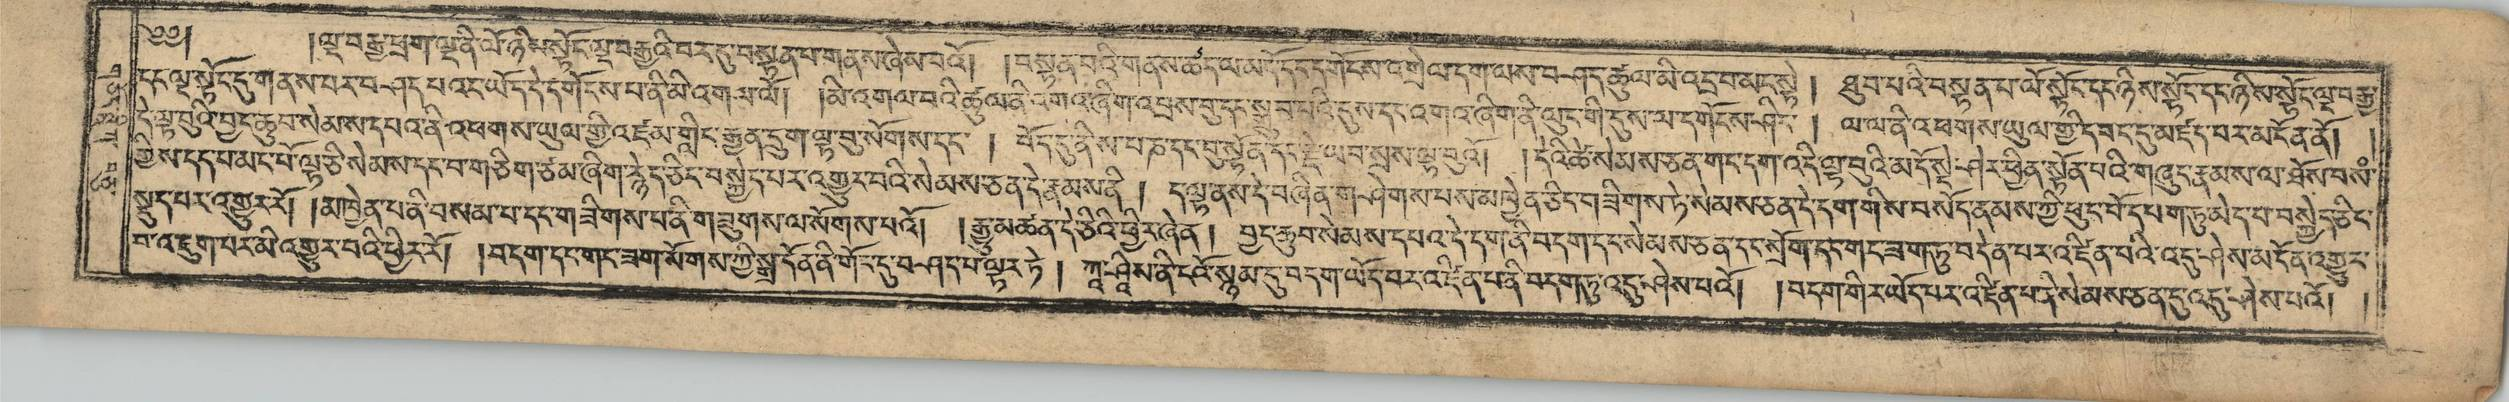༄༅། །ལྔ་བརྒྱ་ཕྲག་ལྔ་ནི་ལོ་ཉིས་སྟོང་ལྔ་བརྒྱའི་བར་དུ་བསྟན་པ་གནས་ཞེས་པའོ། །བསྟན་པའི་གནས་ཚད་ལ་མདོ་དང་དགོངས་འགྲེལ་དག་ལས་བཤད་ཚུལ་མི་འདྲ་བ་མང་སྟེ། ཐུབ་པའི་བསྟན་པ་ལོ་སྟོང་དང་ཉིས་སྟོང་དང་ཉིས་སྟོང་ལྔ་བརྒྱ་
དང་ལྔ་སྟོང་དུ་གནས་པར་བཤད་པའང་ཡོད་དེ་དགོངས་པ་ནི་མི་འགལ་ལོ། །མི་འགལ་བའི་ཚུལ་ནི་འགའ་ཞིག་འབྲས་བུ་དང་སྒྲུབ་པའི་དུས་དང་འགའ་ཞིག་ནི་ལུང་གི་དུས་ལ་དགོངས་ཤིང་། ལ་ལ་ནི་འཕགས་ཡུལ་གྱི་དབང་དུ་མཛད་པར་མངོན་ནོ། །
དེ་ལྟ་བུའི་བྱང་ཆུབ་སེམས་དཔའ་ནི་འཕགས་ཡུལ་གྱི་འཛམ་གླིང་རྒྱན་དྲུག་ལྟ་བུ་སོགས་དང་། བོད་དུ་ནི་ས་པཎ་དང་བུ་སྟོན་དང་རྗེ་ཡབ་སྲས་ལྟ་བུའོ། །དེའི་ཚེ་སེམས་ཅན་གང་དག་འདི་ལྟ་བུའི་མདོ་སྡེ་ཤེར་ཕྱིན་སྟོན་པའི་གཞུང་རྣམས་ལ་ཐོས་བསཾ་
གྱིས་དད་པ་མང་པོ་ལྟ་ཅི་སེམས་དང་བ་གཅིག་ཙམ་ཞིག་རྙེད་ཅིང་བསྐྱེད་པར་འགྱུར་བའི་སེམས་ཅན་དེ་རྣམས་ནི། ད་ལྟ་ནས་དེ་བཞིན་གཤེགས་པས་མཁྱེན་ཅིང་གཟིགས་ཏེ་སེམས་ཅན་དེ་དག་གིས་བསོད་ནམས་ཀྱི་ཕུང་པོ་དཔག་ཏུ་མེད་པ་བསྐྱེད་ཅིང་
སྡུད་པར་འགྱུར་རོ། །མཁྱེན་པ་ནི་བསམ་པ་དང་གཟིགས་པ་ནི་གཟུགས་ལ་སོགས་པའོ། །རྒྱུ་མཚན་དེ་ཅིའི་ཕྱིར་ཞེ་ན། བྱང་ཆུབ་སེམས་དཔའ་དེ་དག་ནི་བདག་དང་སེམས་ཅན་དང་སྲོག་དང་གང་ཟག་ཏུ་བདེན་པར་འཛིན་པའི་འདུ་ཤེས་མངོན་འགྱུར་
བ་འཇུག་པར་མི་འགྱུར་བའི་ཕྱིར་རོ། །བདག་དང་གང་ཟག་སོགས་ཀྱི་སྒྲ་དོན་ནི་གོང་དུ་བཤད་པ་ལྟར་ཏེ། ཀཱ་ཤཱིས་ནི་ངའོ་སྙམ་དུ་བདག་ཡོད་པར་འཛིན་པ་ནི་བདག་ཏུ་འདུ་ཤེས་པའོ། །བདག་གིར་ཡོད་པར་འཛིན་པ་ནི་སེམས་ཅན་དུ་འདུ་ཤེས་པའོ། །